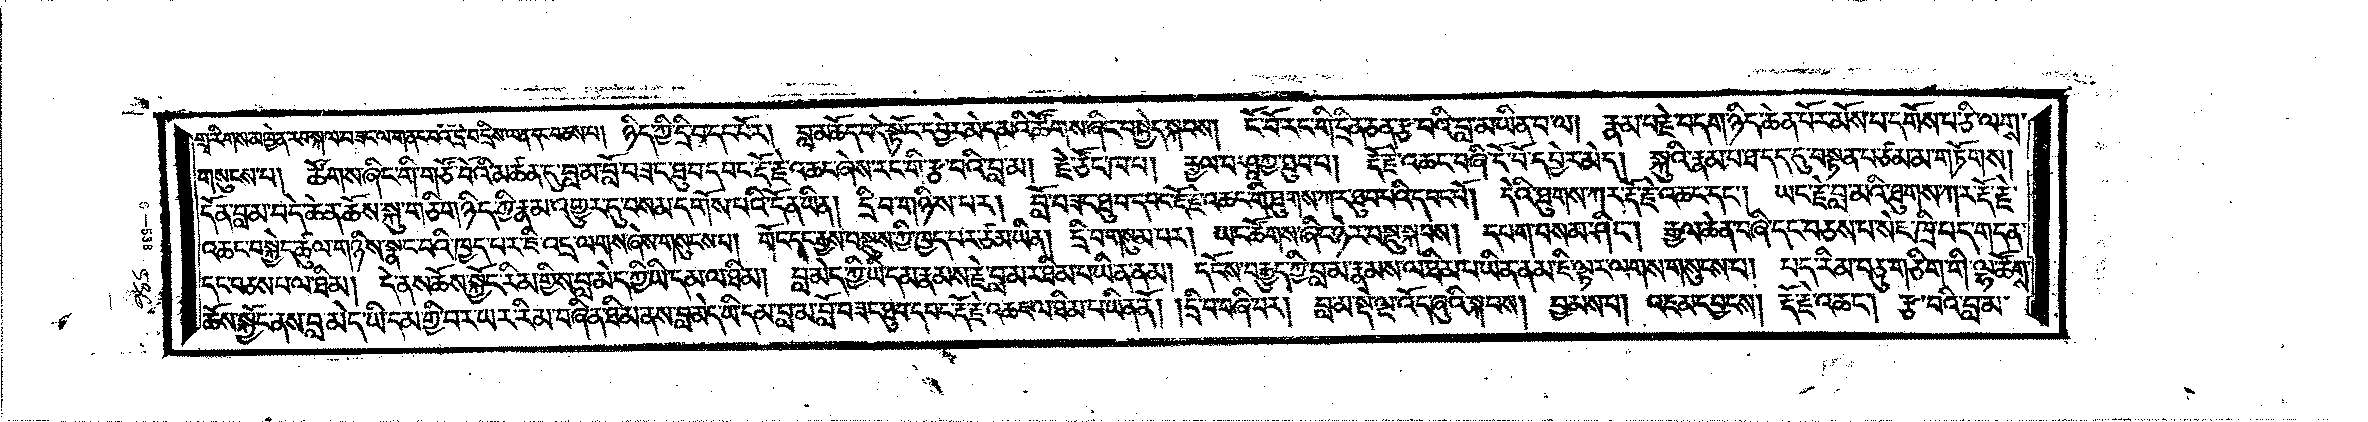གྲྭ་རིགས་མཁྱེན་རབ་སྐལ་བཟང་ལ་གནང་བའོ་དྲི་བ་དྲིས་ལན་དང་བཅས་པ། ཉིད་ཀྱི་དྲི་བ་དང་པོར། བླ་མཆོད་བདེ་སྟོང་དབྱེར་མེད་མའི་ཚོགས་ཞིང་བསྐྱེད་སྐབས། ངོ་བོ་རང་གི་དྲིན་ཅན་རྩ་བའི་བླ་མ་ཡིན་བ་ལ། རྣམ་བརྗེ་བདག་ཉིད་ཆེན་པོར་མོས་པ་དགོས་པ་ཅི་ལགས་
གསུངས་པ། ཚོགས་ཞིང་གི་གཙོ་བོའི་མཚན་དུ་བླ་མ་བློ་བཟང་ཐུབ་དབང་རྡོ་རྗེ་འཆང་ཞེས་རང་གི་རྩ་བའི་བླ་མ། རྗེ་ཙོང་ཁ་པ། རྒྱལ་བ་ཤཱཀྱ་ཐུབ་པ། རྡོ་རྗེ་འཆང་བཞི་ངོ་བོ་དབྱེར་མེད། སྐུའི་རྣམ་པ་ཐ་དད་དུ་བསྟན་པ་ཙམ་མ་གཏོགས།
དོན་བླ་མ་བདེ་ཆེན་ཆོས་སྐུ་གཅིག་ཉིད་ཀྱི་རྣམ་འགྱུར་དུ་བསམ་དགོས་པའི་དོན་ཡིན། དྲི་བ་གཉིས་པར། བློ་བཟང་ཐུབ་དབང་རྡོ་རྗེ་འཆང་གི་ཐུགས་ཀར་ཐུབ་པའི་དབང་པོ། དེའི་ཐུགས་ཀར་རྡོ་རྗེ་འཆང་དང་། ཡང་རྗེ་བླ་མའི་ཐུགས་ཀར་རྡོ་རྗེ་
འཆང་བསྐྱེད་ཚུལ་གཉིས་སྣང་བའི་ཁྱད་པར་ཇི་འདྲ་ལགས་ཞེས་གསུངས་པ། གོང་དང་རྒྱས་བསྡུས་ཀྱི་ཁྱད་པར་ཙམ་ཡིན། དྲི་བ་གསུམ་པར། ཡང་ཚོགས་ཞིང་ཉེར་བསྡུ་སྐབས། དཔག་བསམ་ཤིང་། རྒྱལ་ཆེན་བཞི་དང་བཅས་པ་སེཇ་ཁྲི་པད་གདན་
དང་བཅས་པ་ལ་ཐིམ། དེ་ནས་ཆོས་སྐྱོང་རིམ་གྱིས་བླ་མེད་ཀྱི་ཡི་དམ་ལ་ཐིམ། བླ་མེད་ཀྱི་ཡི་དམ་རྣམས་རྗེ་བླ་མར་ཐིམ་པ་ཡིན་ནམ། དངོས་བརྒྱུད་ཀྱི་བླ་མ་རྣམས་ལ་ཐིམ་པ་ཡིན་ནམ་ཇི་ལྟར་ལགས་གསུངས་པ། པད་རིམ་བཅུ་གཅིག་གི་ལྷ་ཚོགས་
ཆོས་སྐྱོང་ནས་བླ་མེད་ཡི་དམ་གྱི་བར་ཡར་རིམ་བཞིན་ཐིམ་ནས་བླ་མེད་ཡི་དམ་བླ་མ་བློ་བཟང་ཐུབ་དབང་རྡོ་རྗེ་འཆང་ལ་ཐིམ་པ་ཡིན་ནོ། །དྲི་བ་བཞི་པར། བླ་མ་སྡེ་ལྔ་འོད་ཞུའི་སྐབས། བྱམས་པ། འཇམ་དབྱངས། རྡོ་རྗེ་འཆང་། རྩ་བའི་བླ་མ་